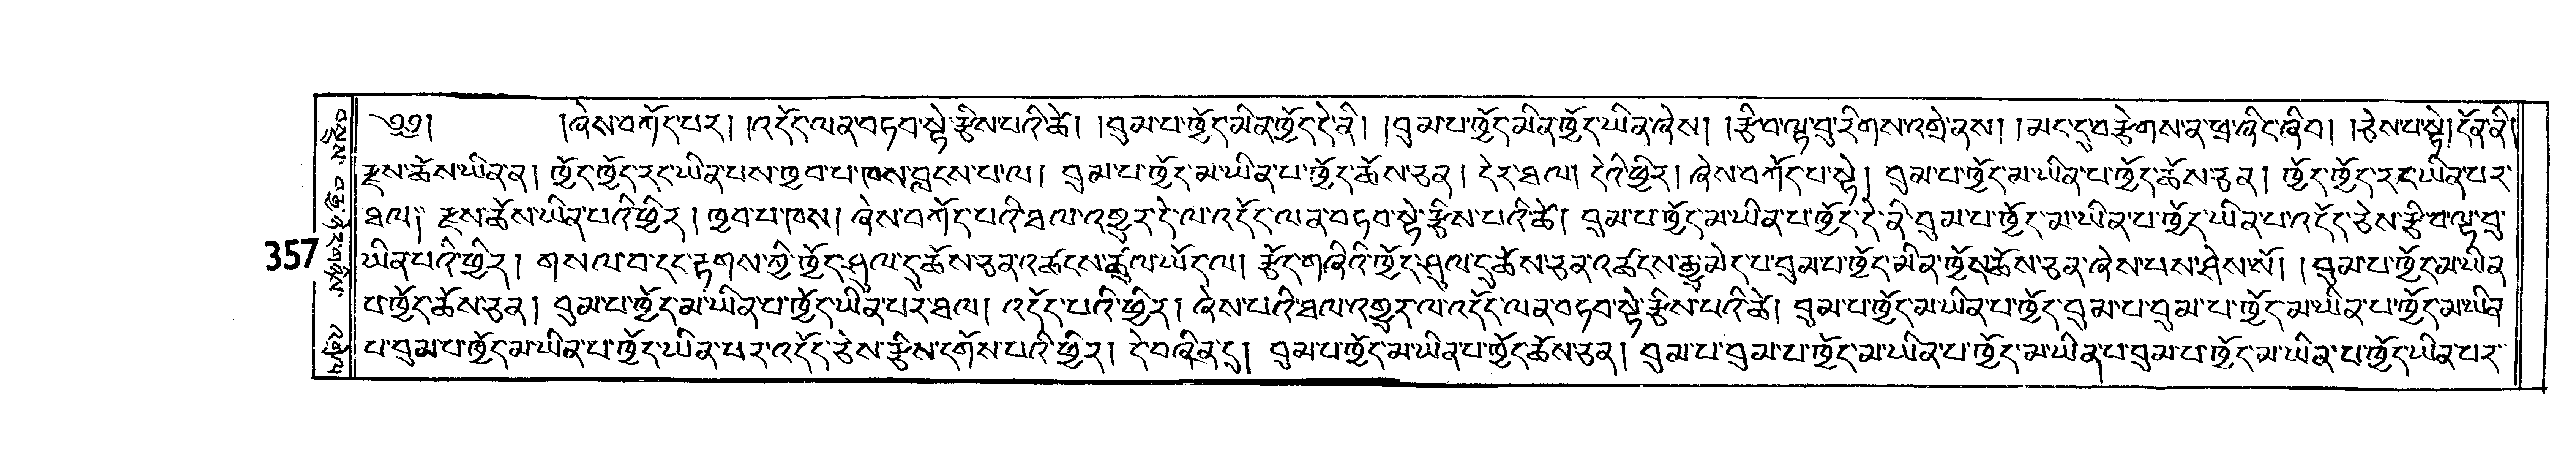༄༅། །ཞེས་བཀོད་པར། །འདོད་ལན་བཏབ་སྟེ་རྩིས་པའི་ཚེ། །བུམ་པ་ཁྱོད་མིན་ཁྱོད་དེ་ནི། །བུམ་པ་ཁྱོད་མིན་ཁྱོད་ཡིན་ཞེས། །རྩི་བ་ལྟ་བུ་རིགས་འགྲེ་ནས། །མང་དུ་བརྩེགས་ན་ཕྲ་ཞིང་ཞིབ། །ཅེས་པ་སྟེ། དོན་ནི།
རྫས་ཆོས་ཡིན་ན། ཁྱོད་ཁྱོད་རང་ཡིན་པས་ཁྱབ་པ་ཁས་བླངས་པ་ལ། བུམ་པ་ཁྱོད་མ་ཡིན་པ་ཁྱོད་ཆོས་ཅན། དེར་ཐལ། དེའི་ཕྱིར། ཞེས་བཀོད་པ་སྟེ། བུམ་པ་ཁྱོད་མ་ཡིན་པ་ཁྱོད་ཆོས་ཅན། ཁྱོད་ཁྱོད་རང་ཡིན་པར་
ཐལ༑ རྫས་ཆོས་ཡིན་པའི་ཕྱིར། ཁྱབ་པ་ཁས། ཞེས་བཀོད་པའི་ཐལ་འགྱུར་དེ་ལ་འདོད་ལན་བཏབ་སྟེ་རྩིས་པའི་ཚེ། བུམ་པ་ཁྱོད་མ་ཡིན་པ་ཁྱོད་དེ་ནི་བུམ་པ་ཁྱོད་མ་ཡིན་པ་ཁྱོད་ཡིན་པ་འདོད་ཅེས་རྩི་བ་ལྟ་བུ་
ཡིན་པའི་ཕྱིར། གསལ་བ་དང་རྟགས་ཀྱི་ཁྱོད་ཤུལ་དུ་ཆོས་ཅན་འཚངས་ཚུལ་ཡོད་ལ། རྩོད་གཞིའི་ཁྱོད་ཤུལ་དུ་ཆོས་ཅན་འཚངས་རྒྱུ་མེད་པ་བུམ་པ་ཁྱོད་མིན་ཁྱོད་ཆོས་ཅན་ཞེས་པས་ཤེས་སོ། །བུམ་པ་ཁྱོད་མ་ཡིན་
པ་ཁྱོད་ཆོས་ཅན། བུམ་པ་ཁྱོད་མ་ཡིན་པ་ཁྱོད་ཡིན་པར་ཐལ། འདོད་པའི་ཕྱིར། ཞེས་པའི་ཐལ་འགྱུར་ལ་འདོད་ལན་བཏབ་སྟེ་རྩིས་པའི་ཚེ། བུམ་པ་ཁྱོད་མ་ཡིན་པ་ཁྱོད་བུམ་པ་བུམ་པ་ཁྱོད་མ་ཡིན་པ་ཁྱོད་མ་ཡིན་
པ་བུམ་པ་ཁྱོད་མ་ཡིན་པ་ཁྱོད་ཡིན་པར་འདོད་ཅེས་རྩིད་དགོས་པའི་ཕྱིར། དེ་བཞིན་དུ། བུམ་པ་ཁྱོད་མ་ཡིན་པ་ཁྱོད་ཆོས་ཅན། བུམ་པ་བུམ་པ་ཁྱོད་མ་ཡིན་པ་ཁྱོད་མ་ཡིན་པ་བུམ་པ་ཁྱོད་མ་ཡིན་པ་ཁྱོད་ཡིན་པར་